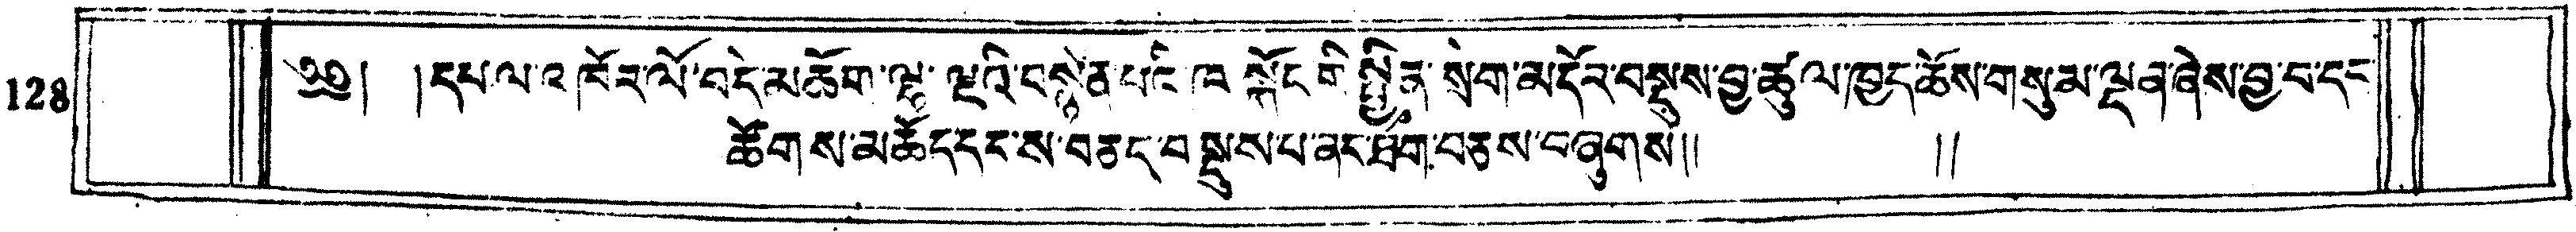༄༅། །དཔལ་འཁོར་ལོ་བདེ་མཆོག་ལྷ་ལྔའི་བསྙེན་པའི་ཁ་སྐོང་གི་སྦྱིན་སྲེག་མདོར་བསྡུས་བྱ་ཚུལ་ཁྱད་ཆོས་གསུམ་ལྡན་ཞེས་བྱ་བ་དང་
ཚོགས་མཆོད་དང་ས་བཅད་བསྡུས་པ་ནང་ཐེག་བཅས་བཞུགས།། །།